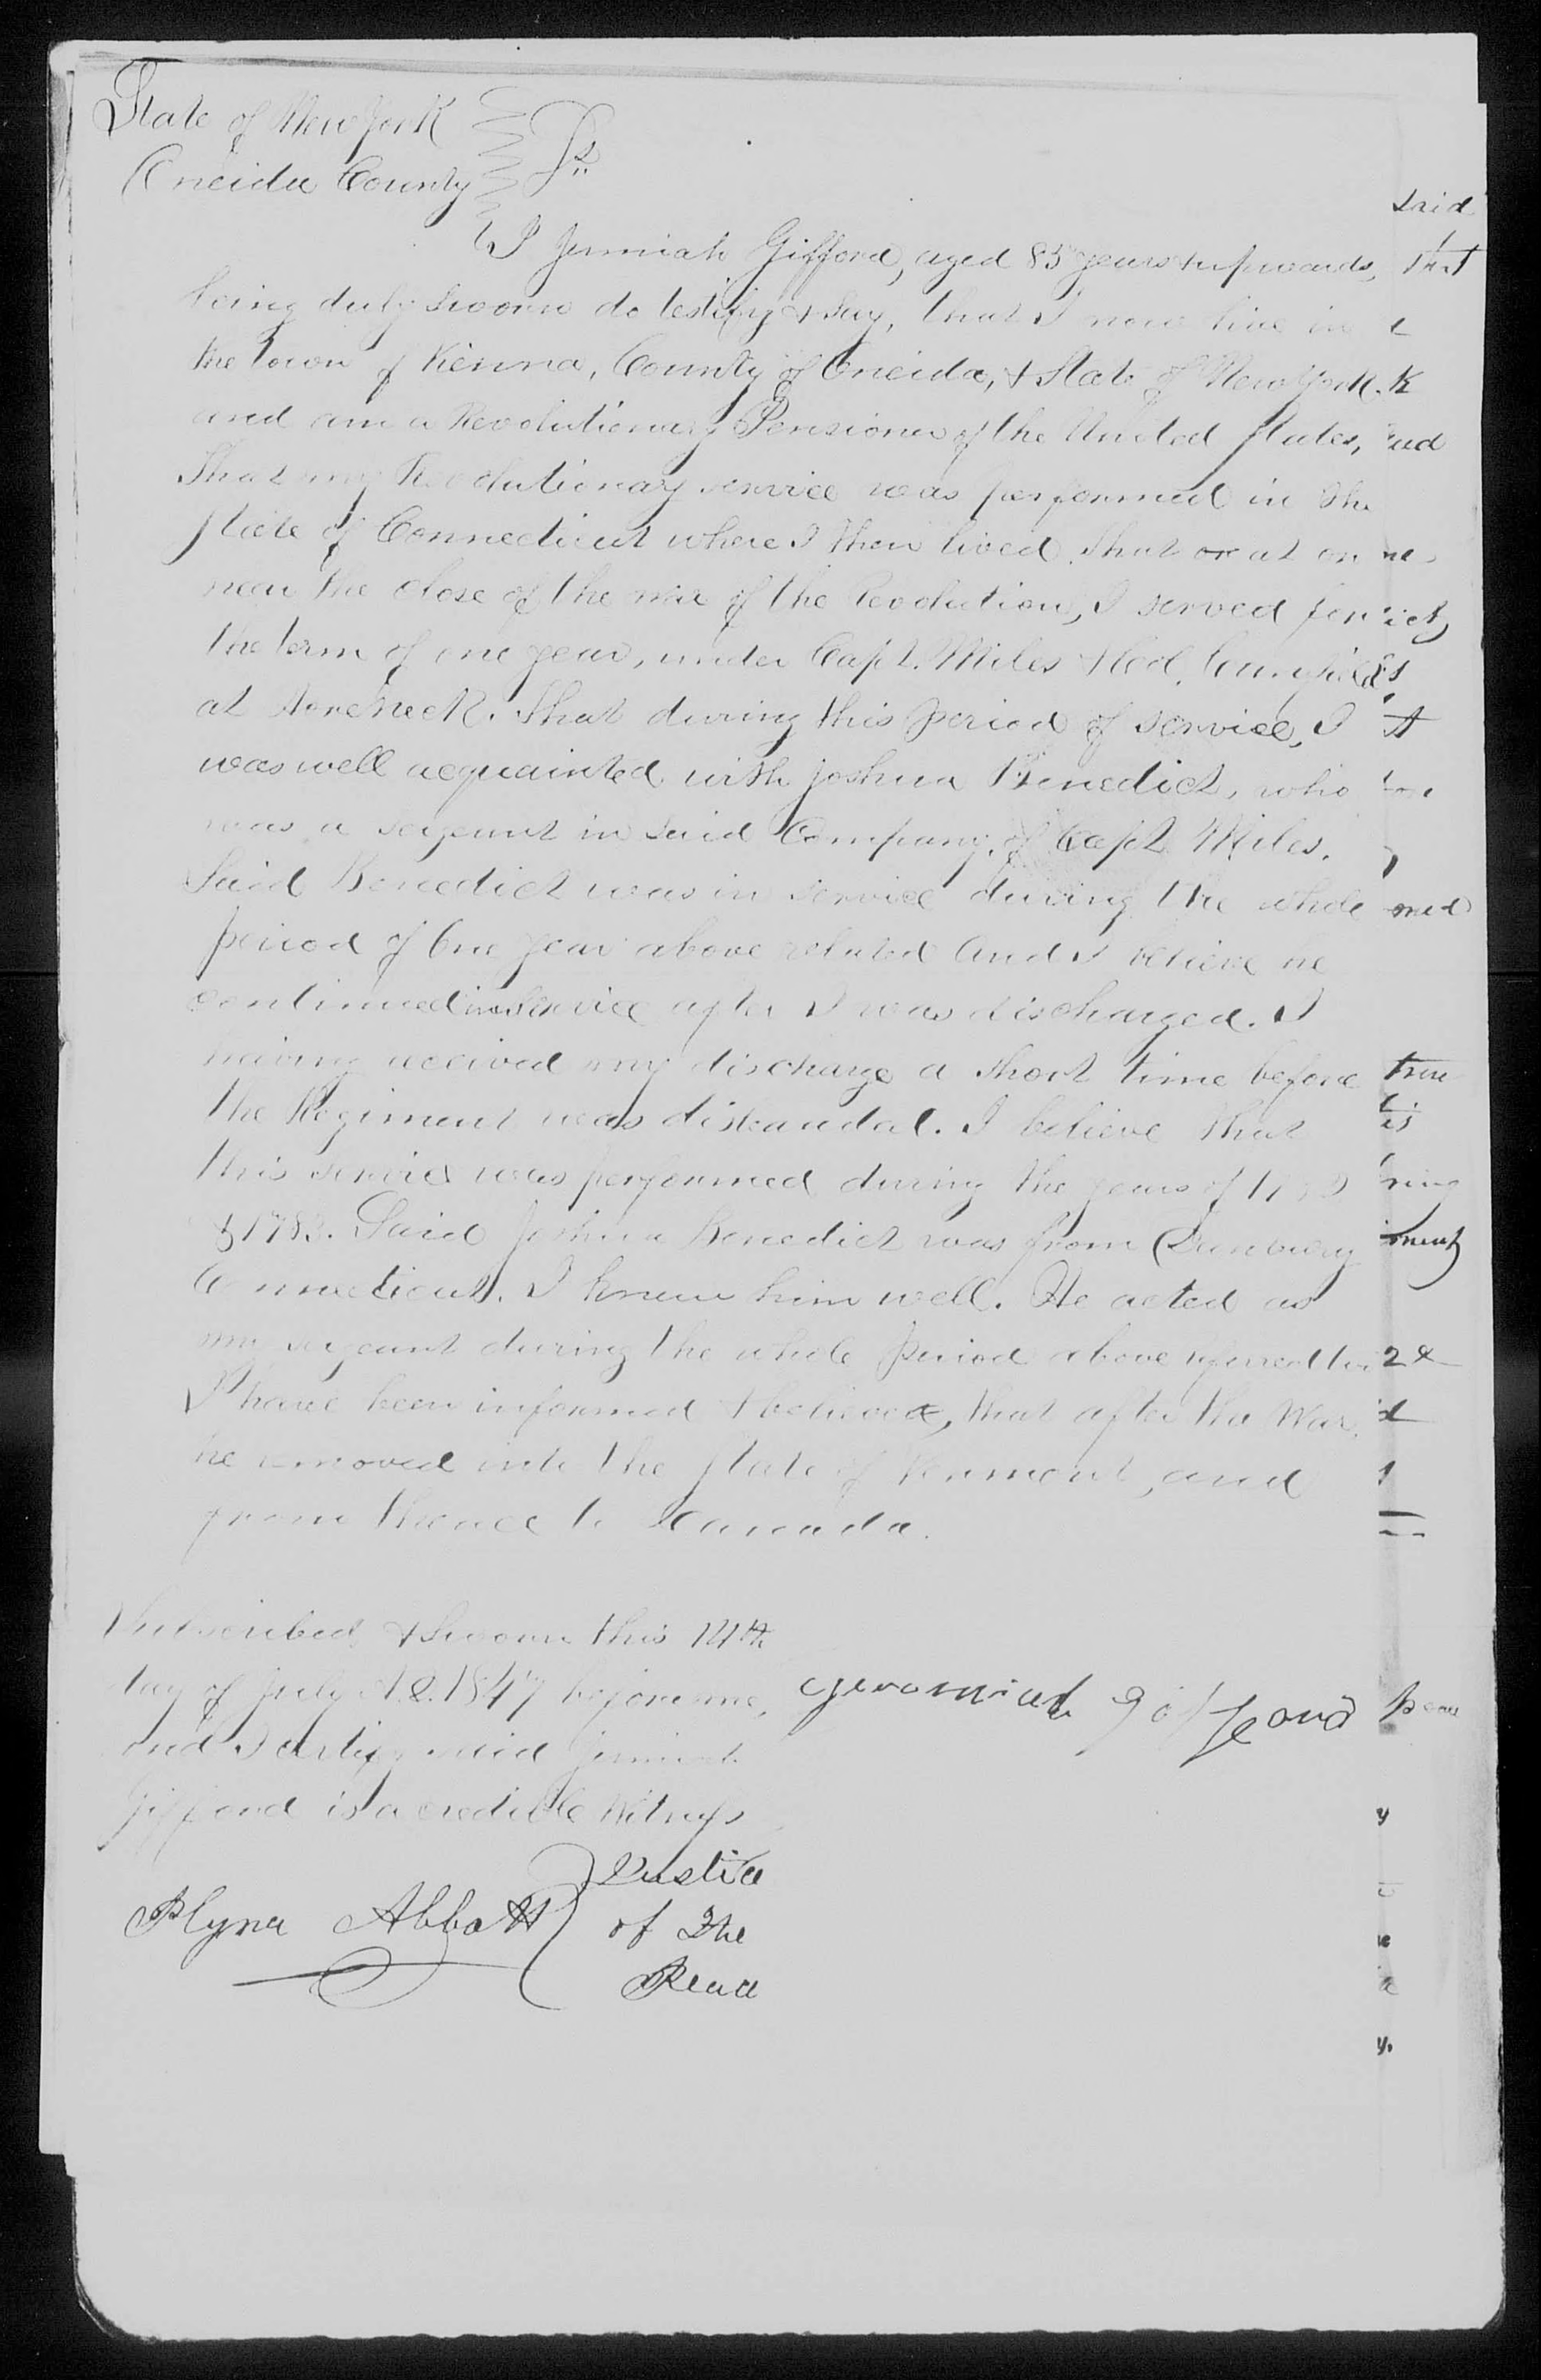State of New York
Oneida County } Ss.
I Jeremiah Gifford, aged 85 years & upwards, being duly sworn do testify & say, that I now live in the town of Vienna, County of Oneida, & State of New York, and am a Revolutionary Pensioner of the United States. That my Revolutionary service was performed in the State of Connecticut where I then lived. That on [crossed out] at or near the close of the war of the Revolution, I served for the term of one year, under Capt. Miles & Col. Canfield at Horse Neck. That during this period of service, I was well acquainted with Joshua Benedict, who was a sergeant in said Company of Capt Miles. Said Benedict was in service during the whole period of one year above stated and I believe he continued in service after I was discharged. I having received my discharge a short time before the Regiment was disbanded. I believe that this service was performed during the year of 1782 & 1783. Said Joshua Benedict was from Danbury Connecticut. I knew him well. He acted as my sergeant during the whole period above referred to. I have been informed & believe, that after the war he removed into the State of Vermont, and from thence to Canada.
Jeremiah Gifford

Subscribed & Sworn this 14th day of July A.D. 1847 before me, and I certify said Jeremiah Gifford is a credible Witness.
Plyna Abbott Justice of the Peace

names: Plyna Abbott, Benedict, Miles, Miles, Joshua Benedict, Jeremiah Gifford, Jermiah Gifford, Joshua Benedict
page: 55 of 106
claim: survivor's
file: S 23,116., Joshua Benedict, Conn.